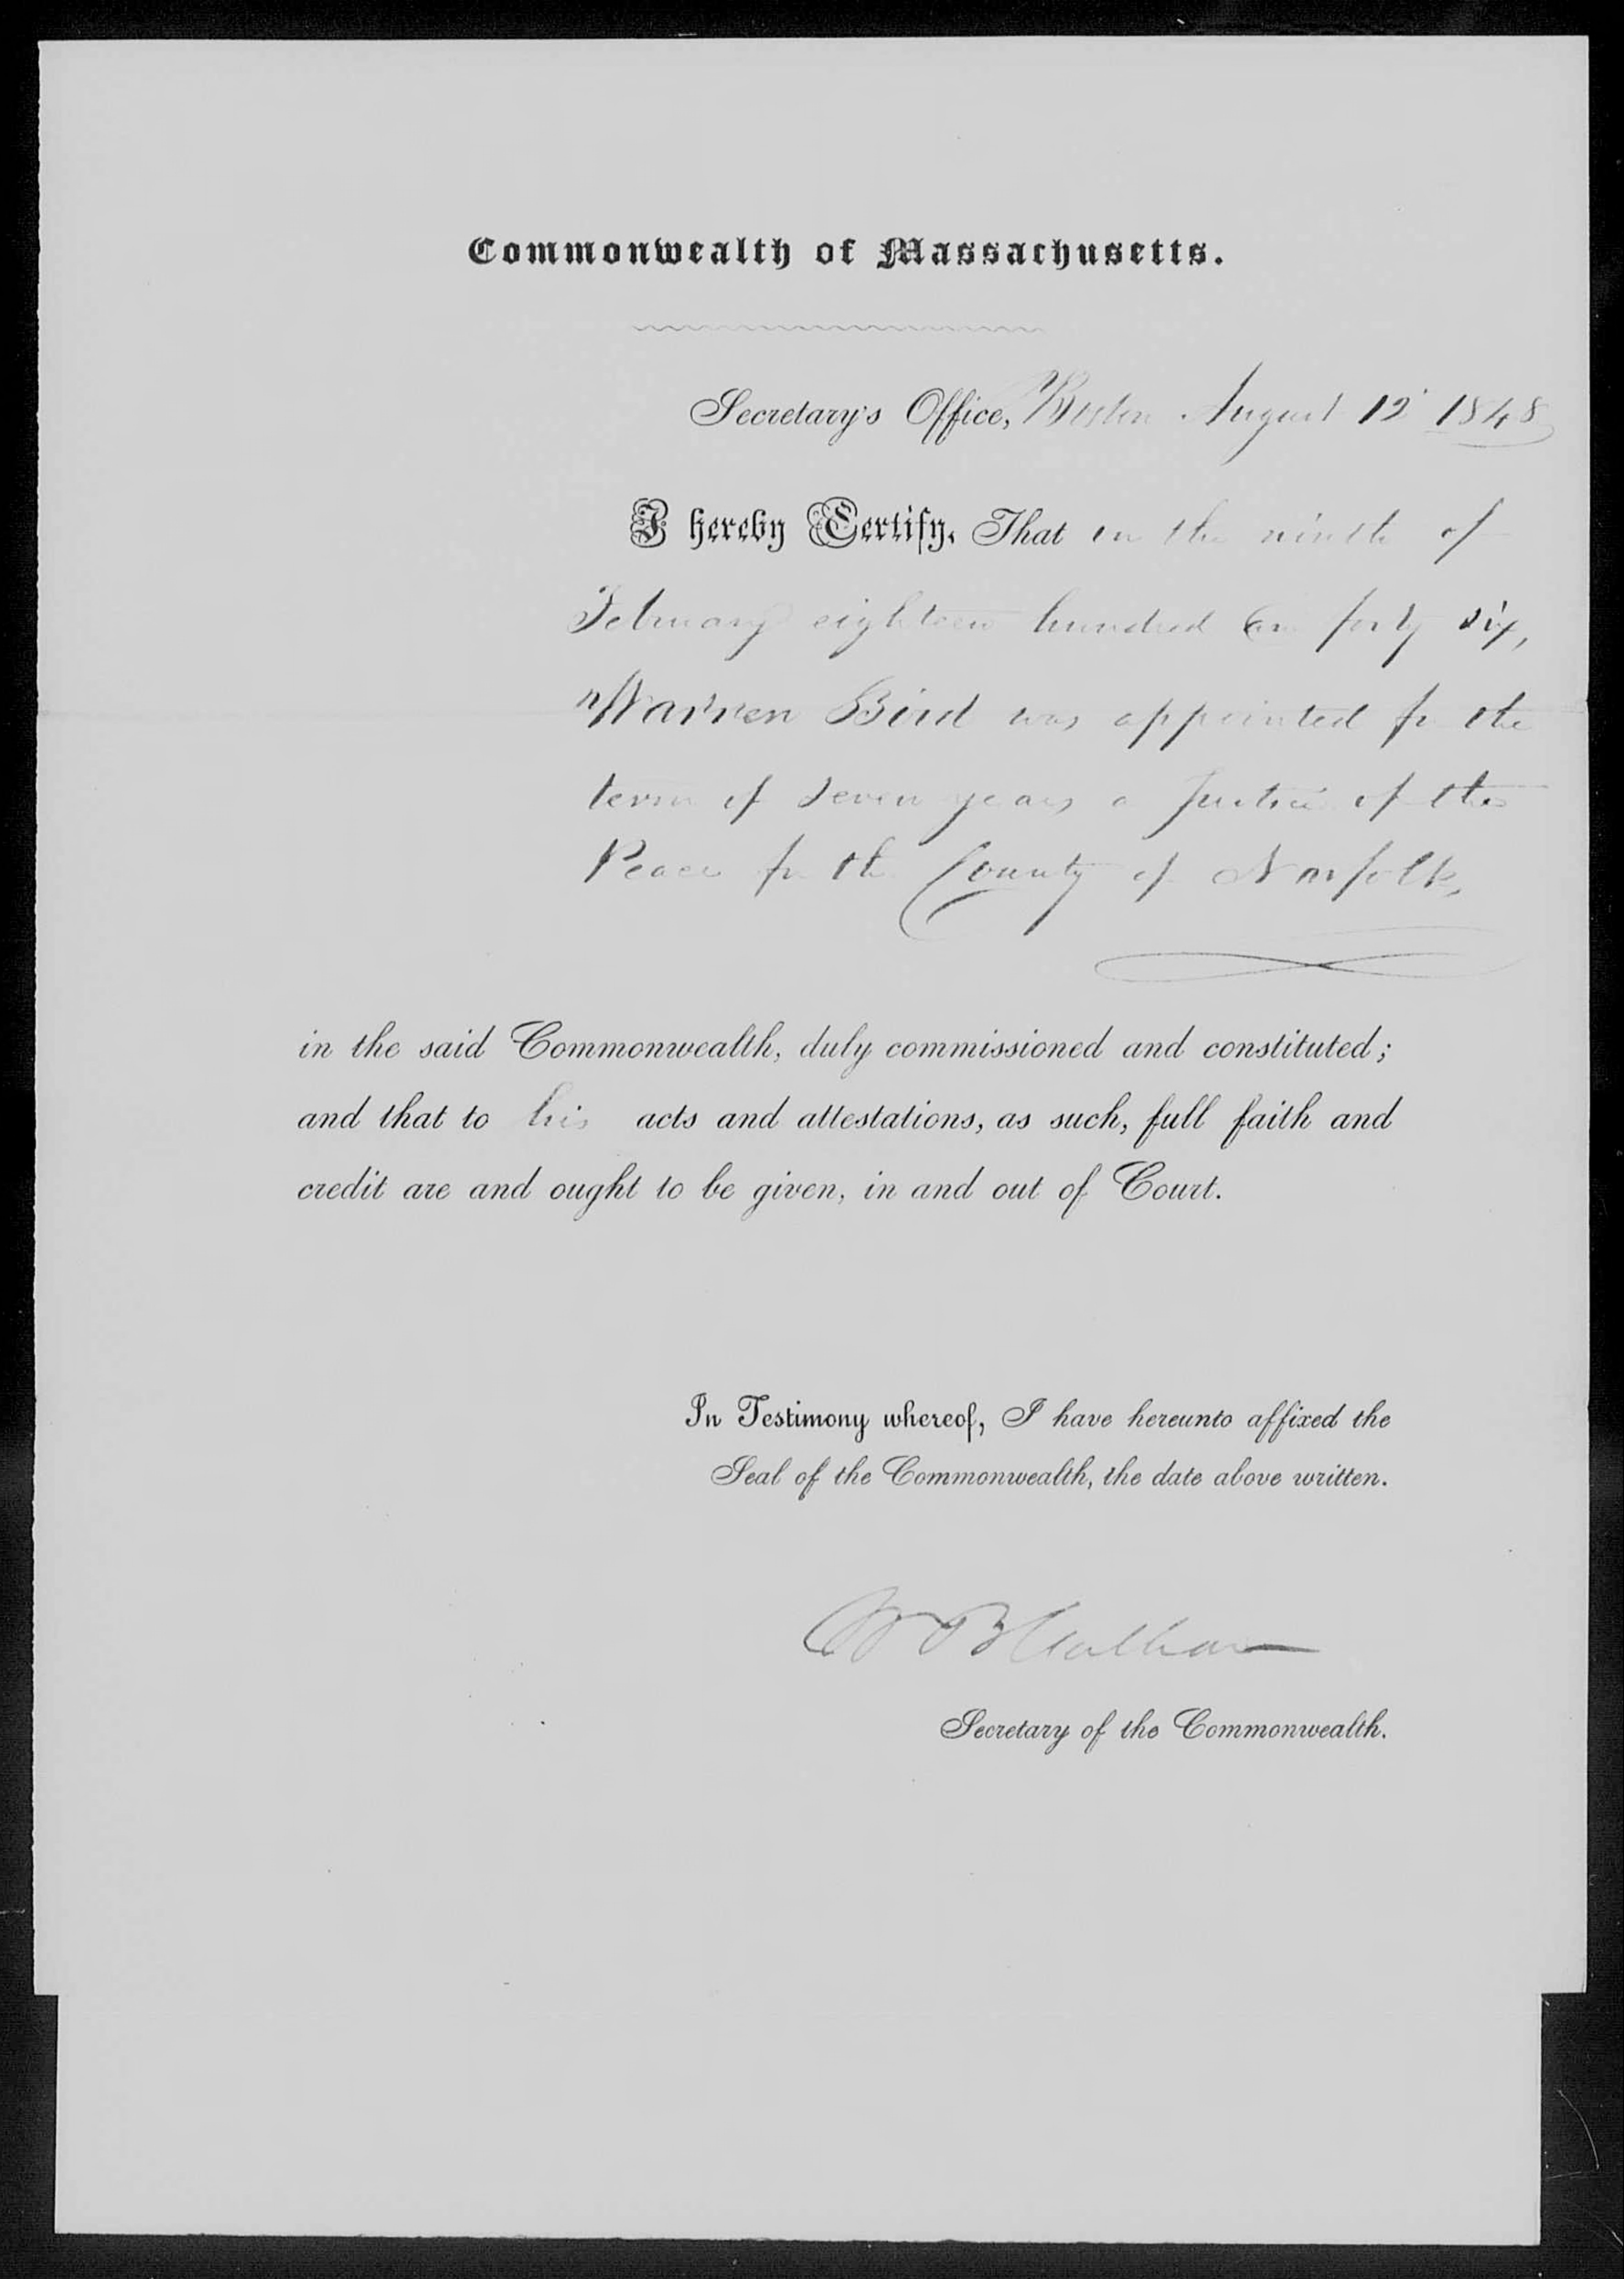Commonwealth of Massachusetts. 

Secretary's Office, Boston August 12 1848
I hereby Certify, That on the ninth of February eighteen hundred & forty six, Warren Bird was appointed for the term of seven years a Justice of the Peace for the County of Norfolk 
——-
in the said Commonwealth, duly commissioned and constituted; and that to his acts and attestations, as such, full faith and credit are and ought to be given, in and out of Court 

In Testimony whereof, I have hereunto affixed the Seal of the Commonwealth, the date above written. 
W B Nathan
Secretary of the Commonwealth.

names: Warren Bird, W B Nathan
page: 27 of 45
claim: widow's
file: W. 14,567, Oliver Comee, Mass.